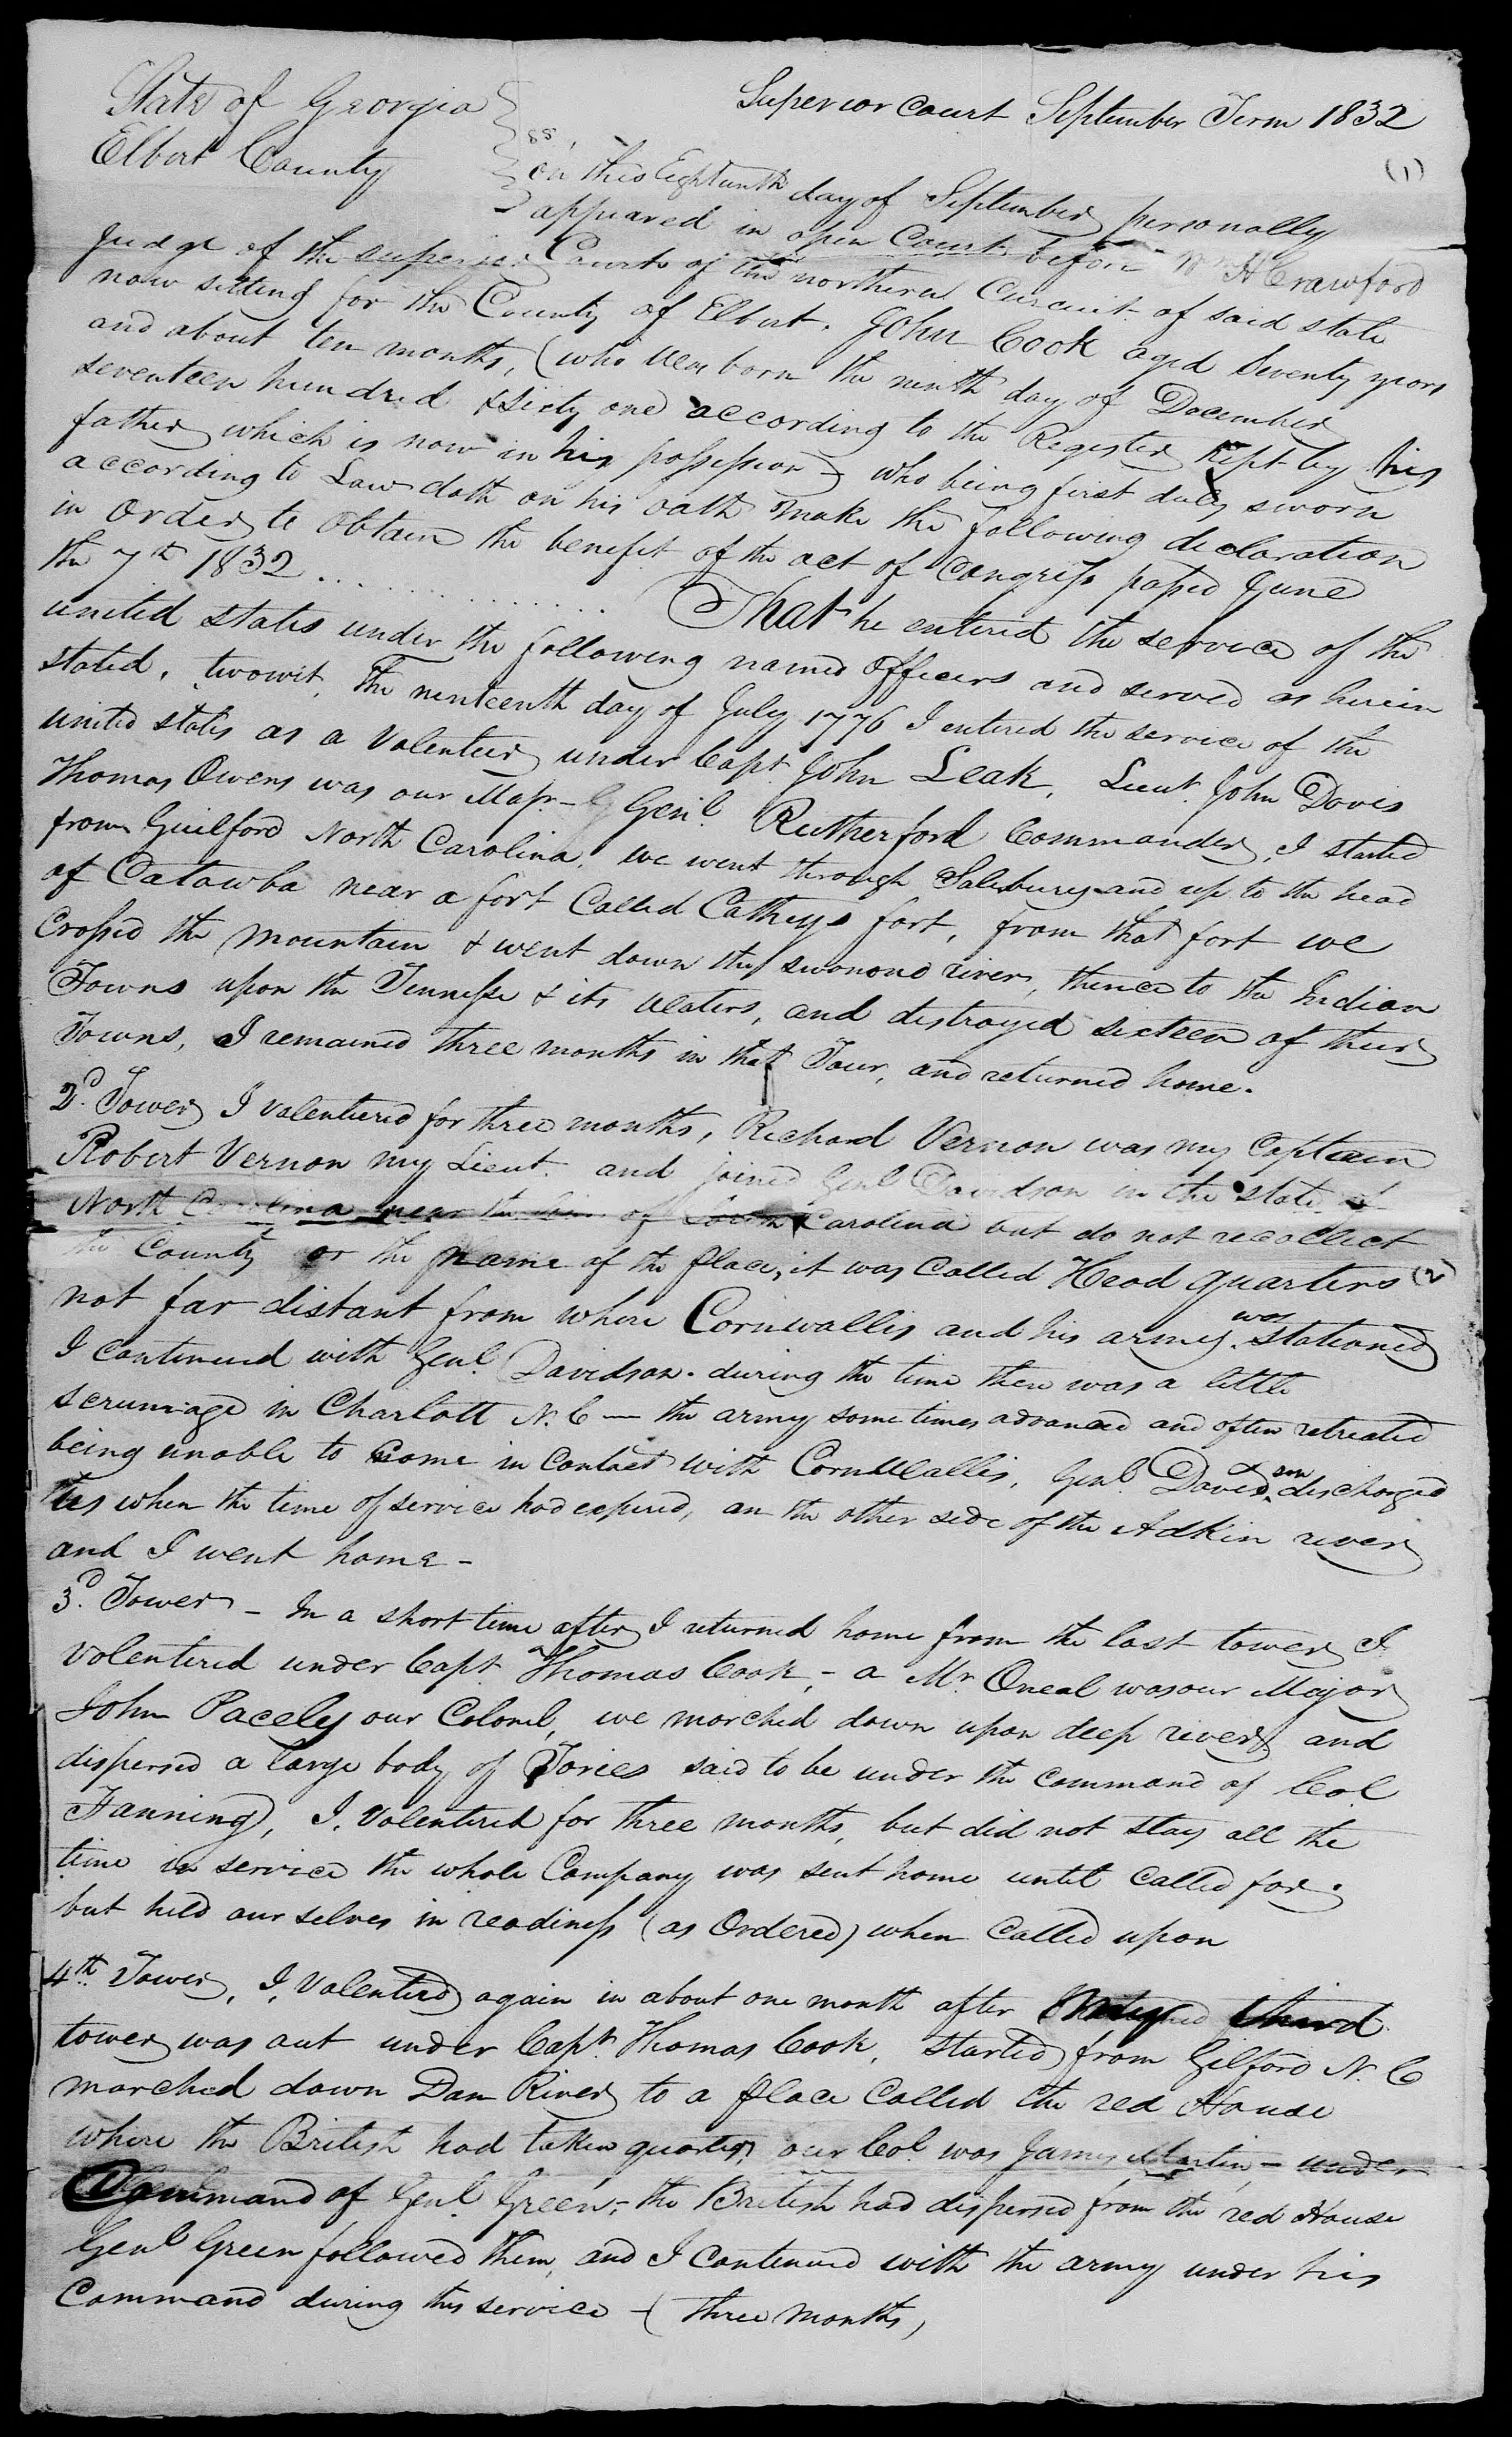Superior Court September Term 1832
State of Georgia  )
Elbert County      ) ss
On this Eighteenth day of September peronally appered in open Court before Wm H Crawford Judge of the Superior Court of the northern circuit of said state now sitting for the County of Elbert. John Cook aged Seventy years and about ten months, (who was born the ninth day of December seventeen hundred & Sixty one according to the Register kept by his father which is now in his possession) who being first duly sworn according to Law doth on his oath make the following declaration in order to obtain the benefit of the act of Congress passed June the 7th 1832 ........... That he entered the service of the united States under the following named officers and served as herein stated, twowit, the ninteenth day of July 1776 I entered the service of the united states as a volunteer under Capt. John Leak, Lieut. John Davis Thomas Owens was our Majr. - Genl. Rutherford Commanded.  I started from Guilford North Carolina. We went through Salisbury and up to the head of Catawba near a fort Called Catheys fort, from that fort we crossed the mountain & went down the Swanona river, thence to the Indian Town, upon the Tennessee & its waters, and destroyed sixteen of their Towns, I remained three months in that Tour, and returned home.
2d. Tower I volunteered for three months, Richard Vernon was my Captain Robert Vernon my Lieut. and joined Gen. Davidson in the state of North Carolina near the line of South Carolina but do not recollect the County or the name of the place, it was called Headquarters (2) not far distant from where Cornwallis and his army was stationed  I continued with Genl. Davidson. during the time there was a little Scrumiage in Charlott N.C --  the army sometimes advanced and often retreated being unable to come in contact with Cornwallis, Genl. Davidson discharged us when the time of service had expired, on the other side of the Adkin river and I went home -
3d. Tower - In a short time after I returned home from the last tower I volunteered under Capt Thomas Cook, - a Mr. Oneal was our Major John Pacely our Colonel, we marched down upon deep rivers and dispersed a large body of Tories said to be under the command of Col Fanning. I volunteered for three months, but did not stay all the time in service the whole Company was sent home until called for. but held ourselves in readiness (as Ordered) when Called upon
4th Tower.  I volunterred again in about one month after May third tower was out under Capt. Thomas Cook, started from Gilford N.C. marched down Dan River to a place called the red House where the British had taken quarter our Col. was James Martin - under Command of Genl. Green.-  the British had dispersed from the red House Genl Green followed them and I continued with the army under his Command during this service (three months)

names: Wm H Crawford, Thomas Owens, Thomas Cook, Fanning, Rutherford, John Cook, Green, James Martin, Richard Vernon, Robert Vernon, Oneal, Davidson, Davidson, Cornwallis, Thomas Cook, John Pacely, Davidson, John Leak, Green, John Davis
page: 4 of 18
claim: survivor's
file: S. 16,343, John Cook, N.C.